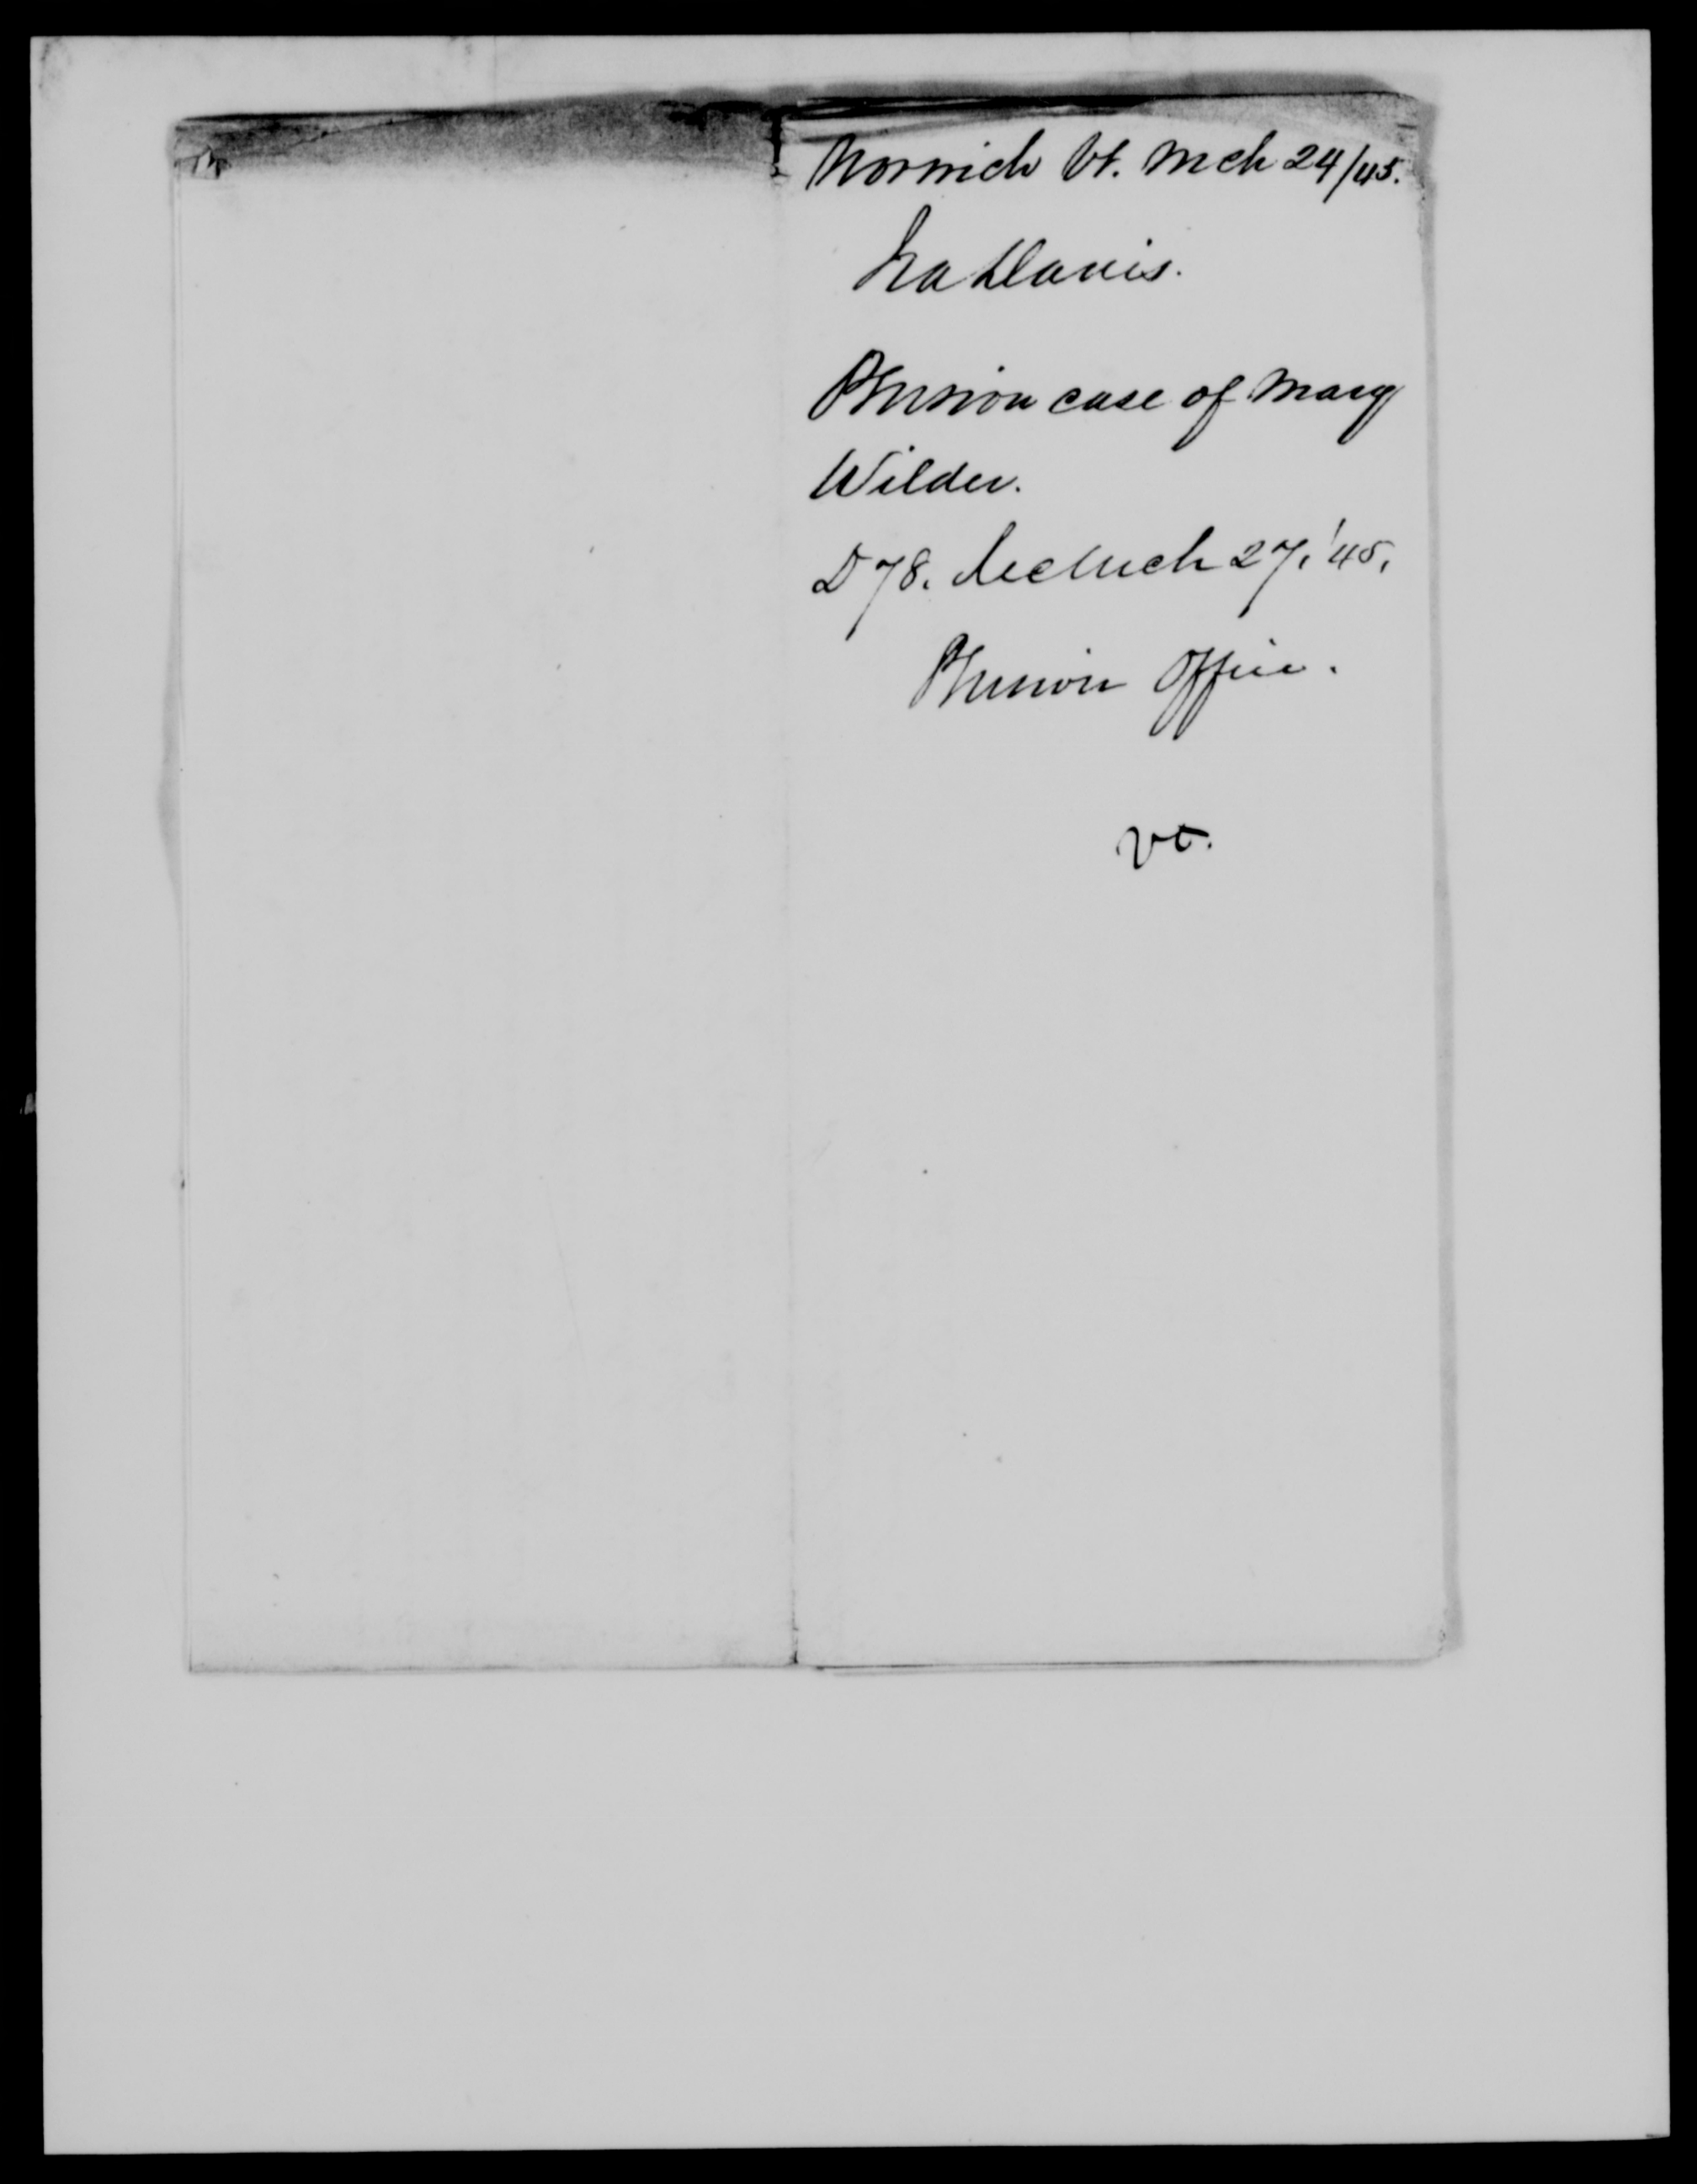Norwich V. Mch 24 /45
Ira Davis
Pension case of Mary
Wilder
D 78. [ ] 27 '45.
Pension office
VT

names: Ira Davis, Mary Wilder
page: 37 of 40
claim: widow's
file: W. 18,426, Abel Wilder, Mass. N.H. Vt.